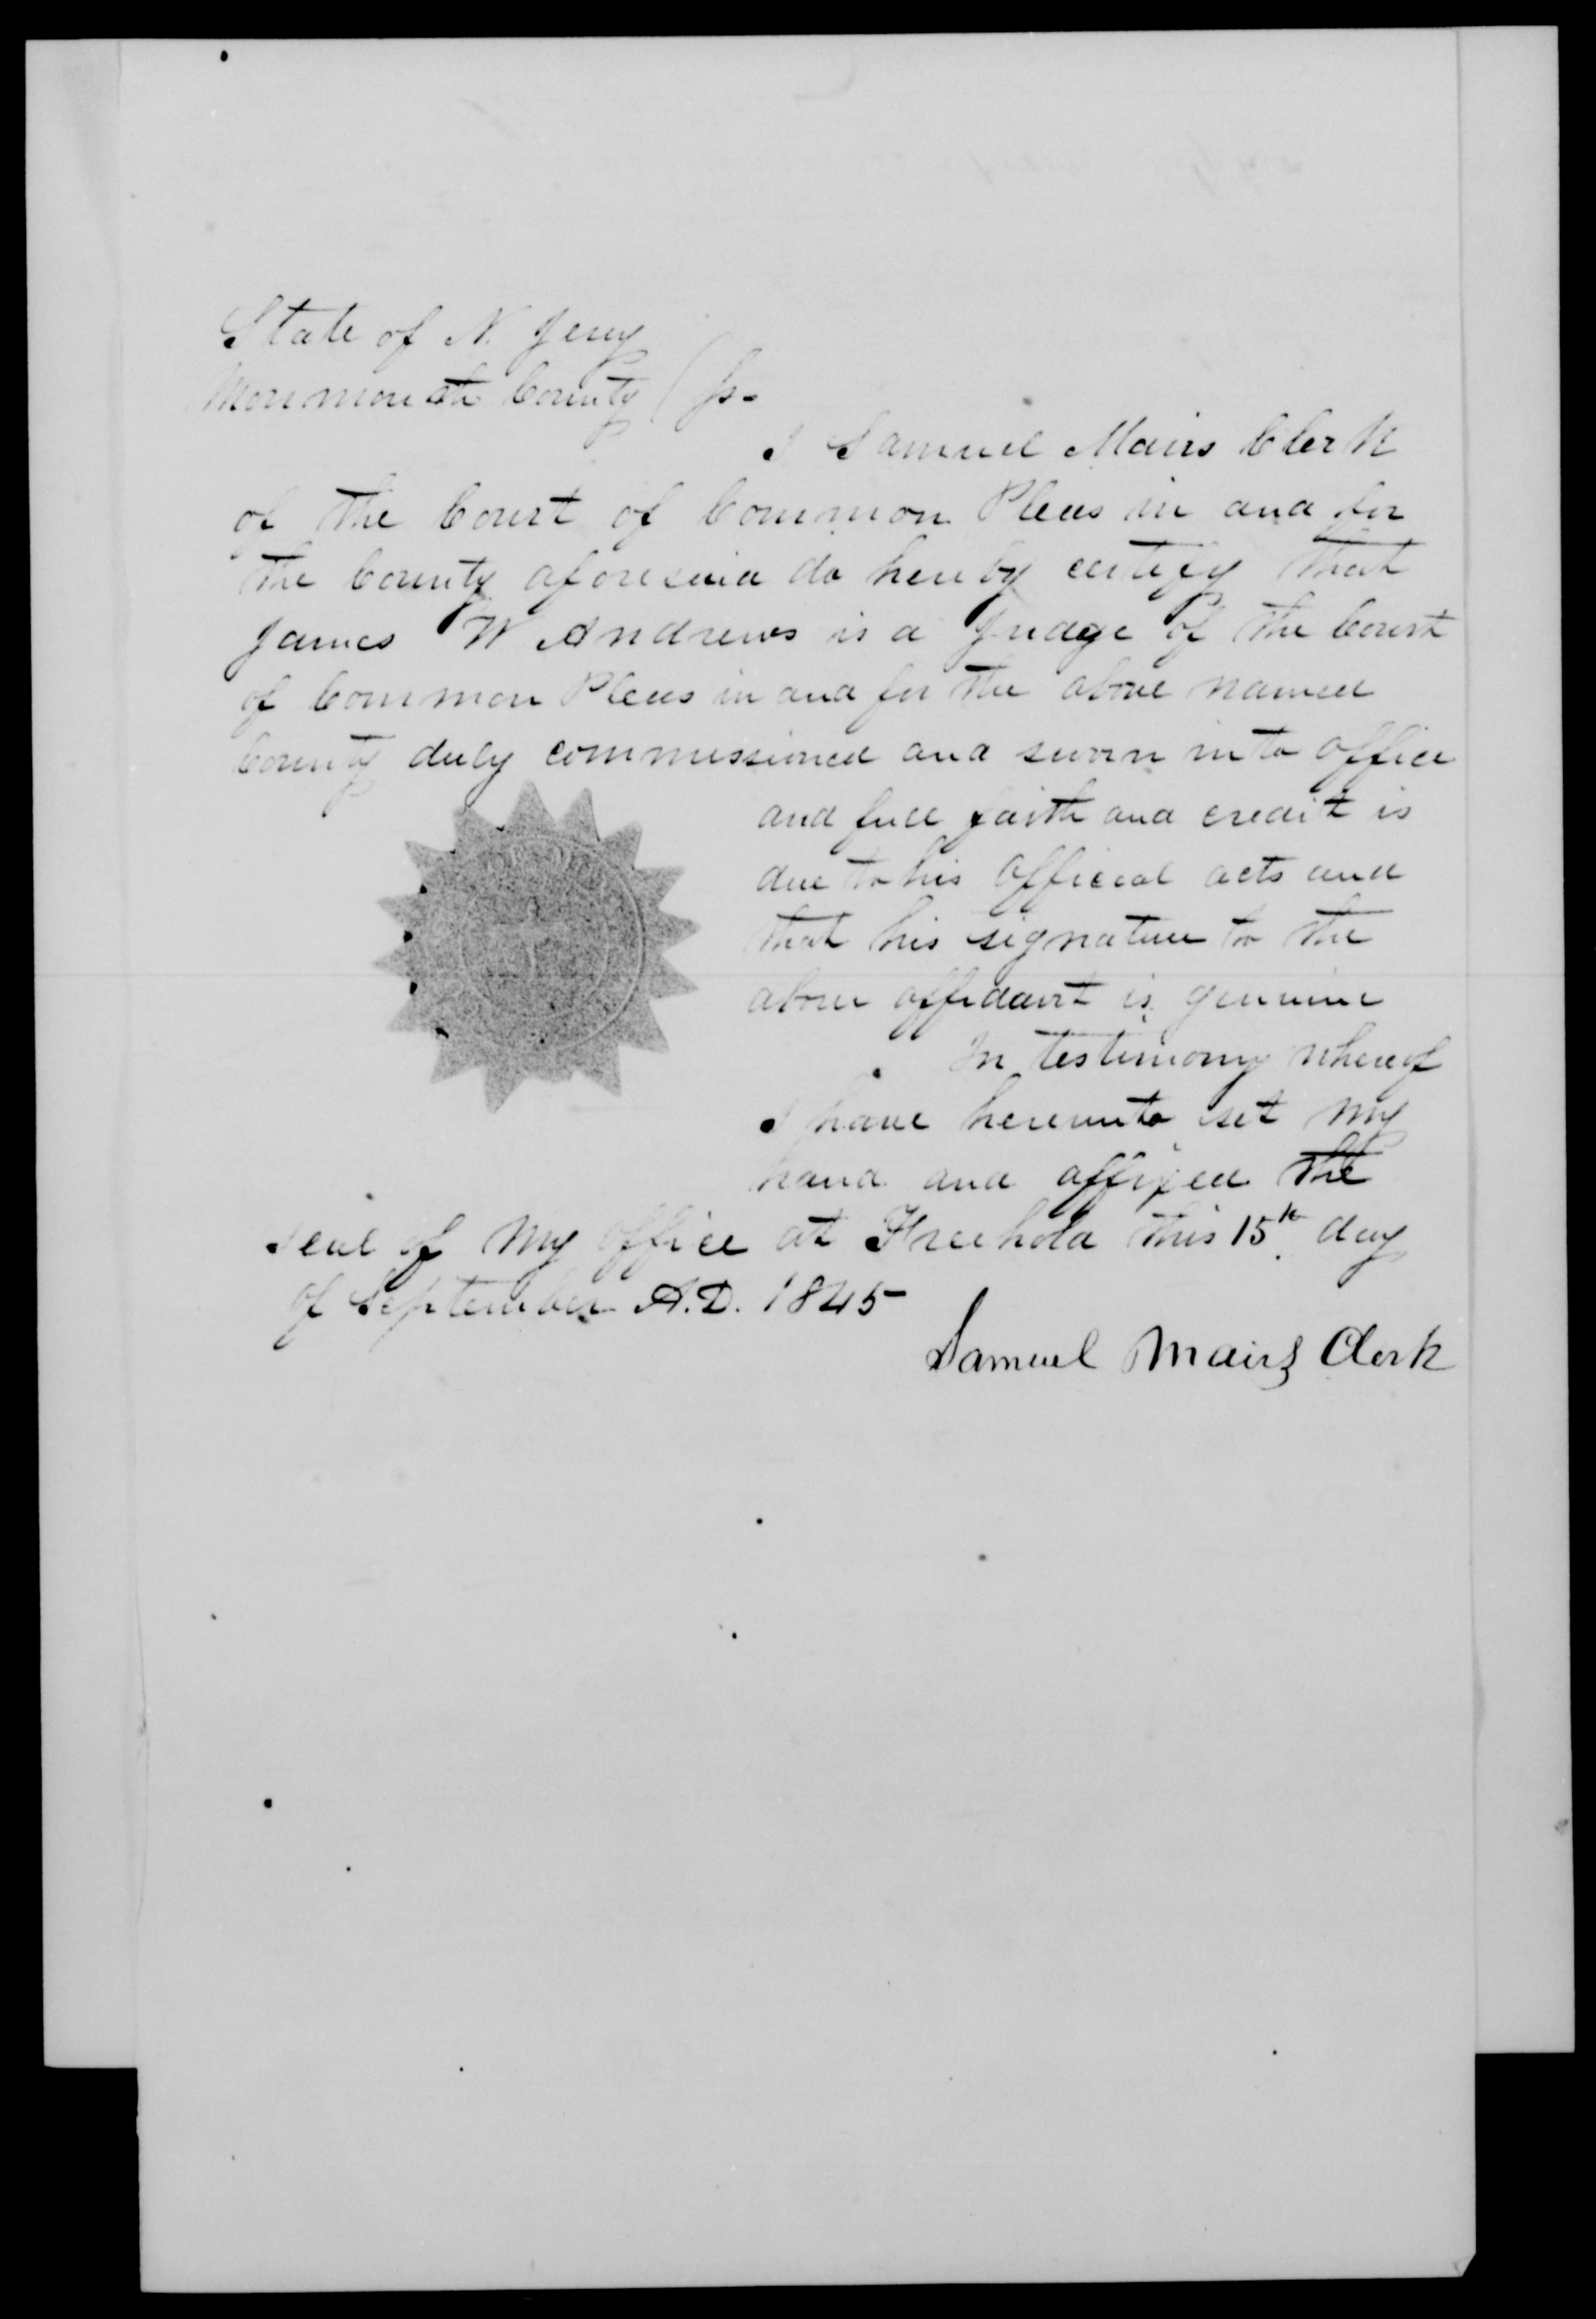State of New Jersey}
Monmouth County} Ss.
I Samuel Mairs Clerk of the Court of Common Pleas in and for the County aforesaid do hereby certify that James W Andrews is a Judge of the Court of Common Pleas in and for the above named County duly commissioned and sworn into office and full faith and credit is due to his official acts and that his signature to the above affidavit is genuine
In testimony whereof
I have hereunto set my
hand and affixed the
Seal of my office at Freehold this 15th day
of September A.D. 1845
Samuel Mairs Clerk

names: Samuel Mairs; Samuel Mairs; James W Andrews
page: 8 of 33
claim: survivor's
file: S. 4,841, for James Sickles, New Jersey